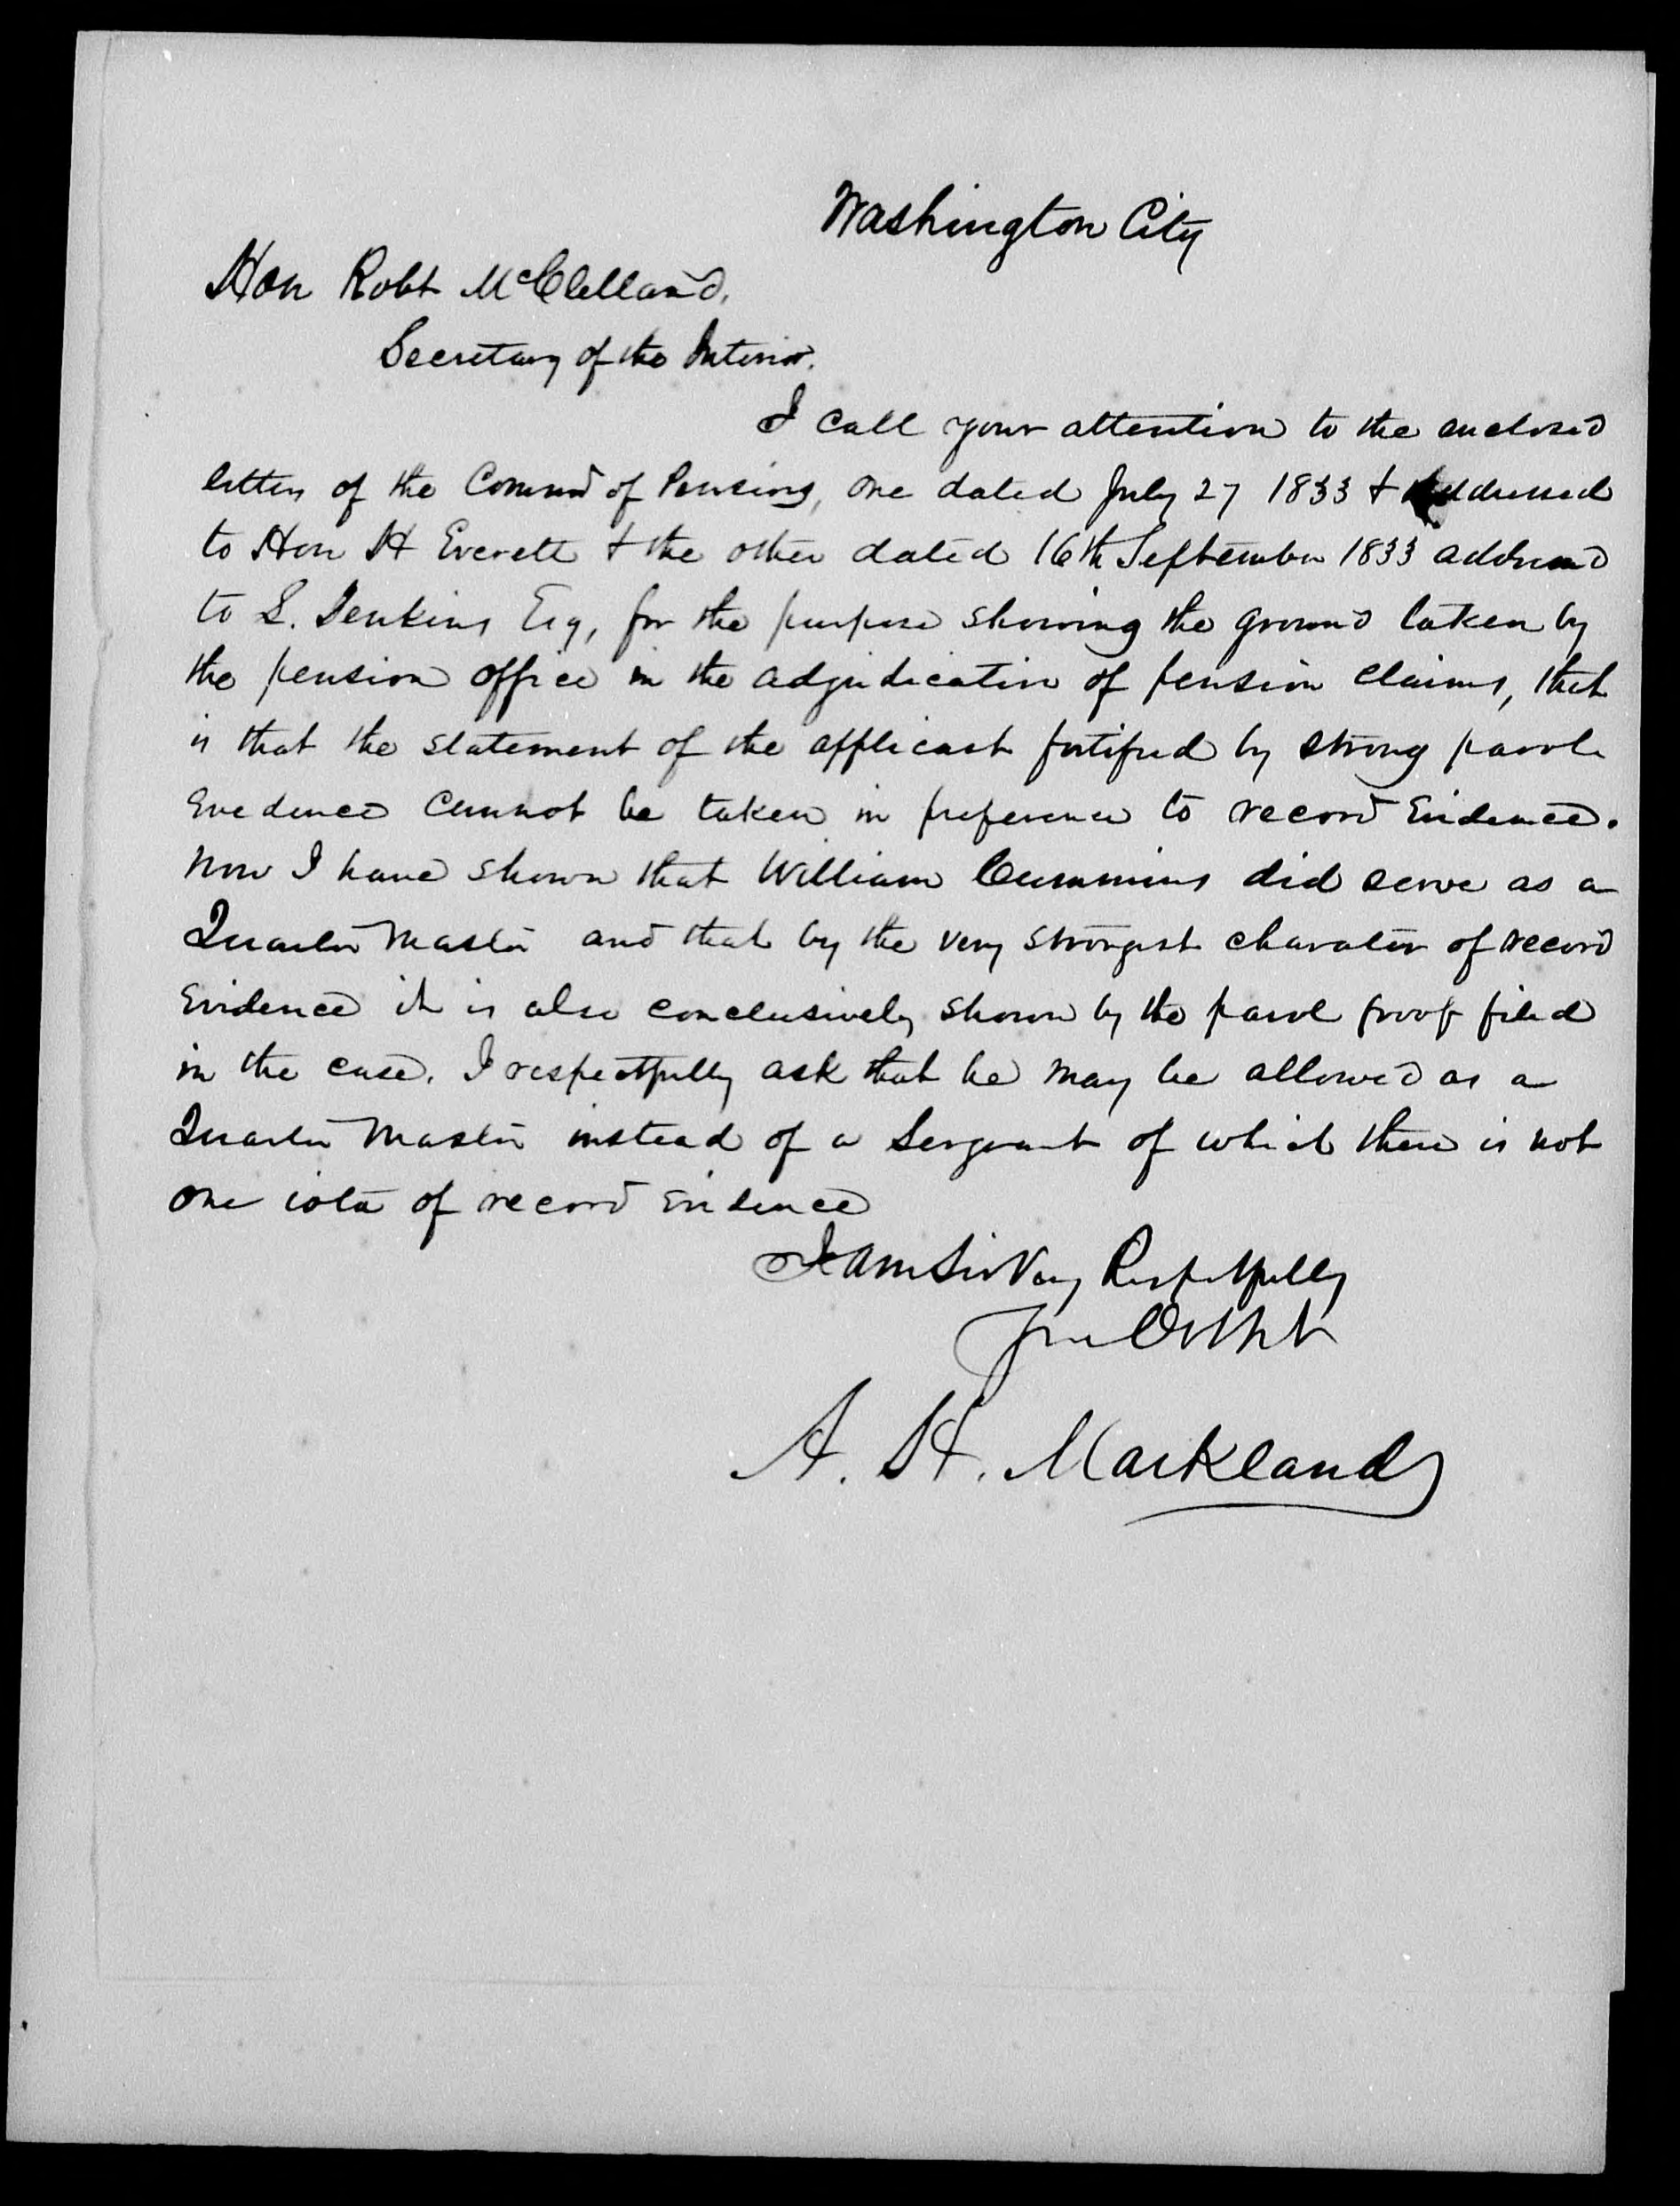[Handwritten letter.  Occasional spacing has been included to make the long text block easier to read.]

Washington City

Hon Robt McClelland,
Secretary of the Interior.

I call your attention to the enclosed letters of the Commsr [Commissioner] of Pensions, one dated July 27 1833 and addressed to Hon H Everett and the other dated 16th September 1833 addressed to S. Jenkins Esq, [Esquire] for the purpose showing the [?] ground taken by the pension office in the adjudication of pension claims, that is that the statement of the applicant fortified by strong [?] parole Evidence Cannot be taken in preference to record Evidence.

Now I have shown that William Cummins did serve as a Quarter Master and that by the very strongest character of record Evidence it is also conclusively Shown by the [?] parol proof filed in the case,  I respectfully ask that he may be allowed as a Quarter Master instead of a Sergeant of which there is not one iota of record evidence

I am Sir Very Respetfully [Respectfully] 
Yur Obt Srt [Your Obedient Servant]

A. H. Markland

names: L Jenkins, Robt Mc Clelland, William Cummins, H Everett, A H Markland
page: 49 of 145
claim: survivor's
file: S. 8265, William Cumming, N.C.